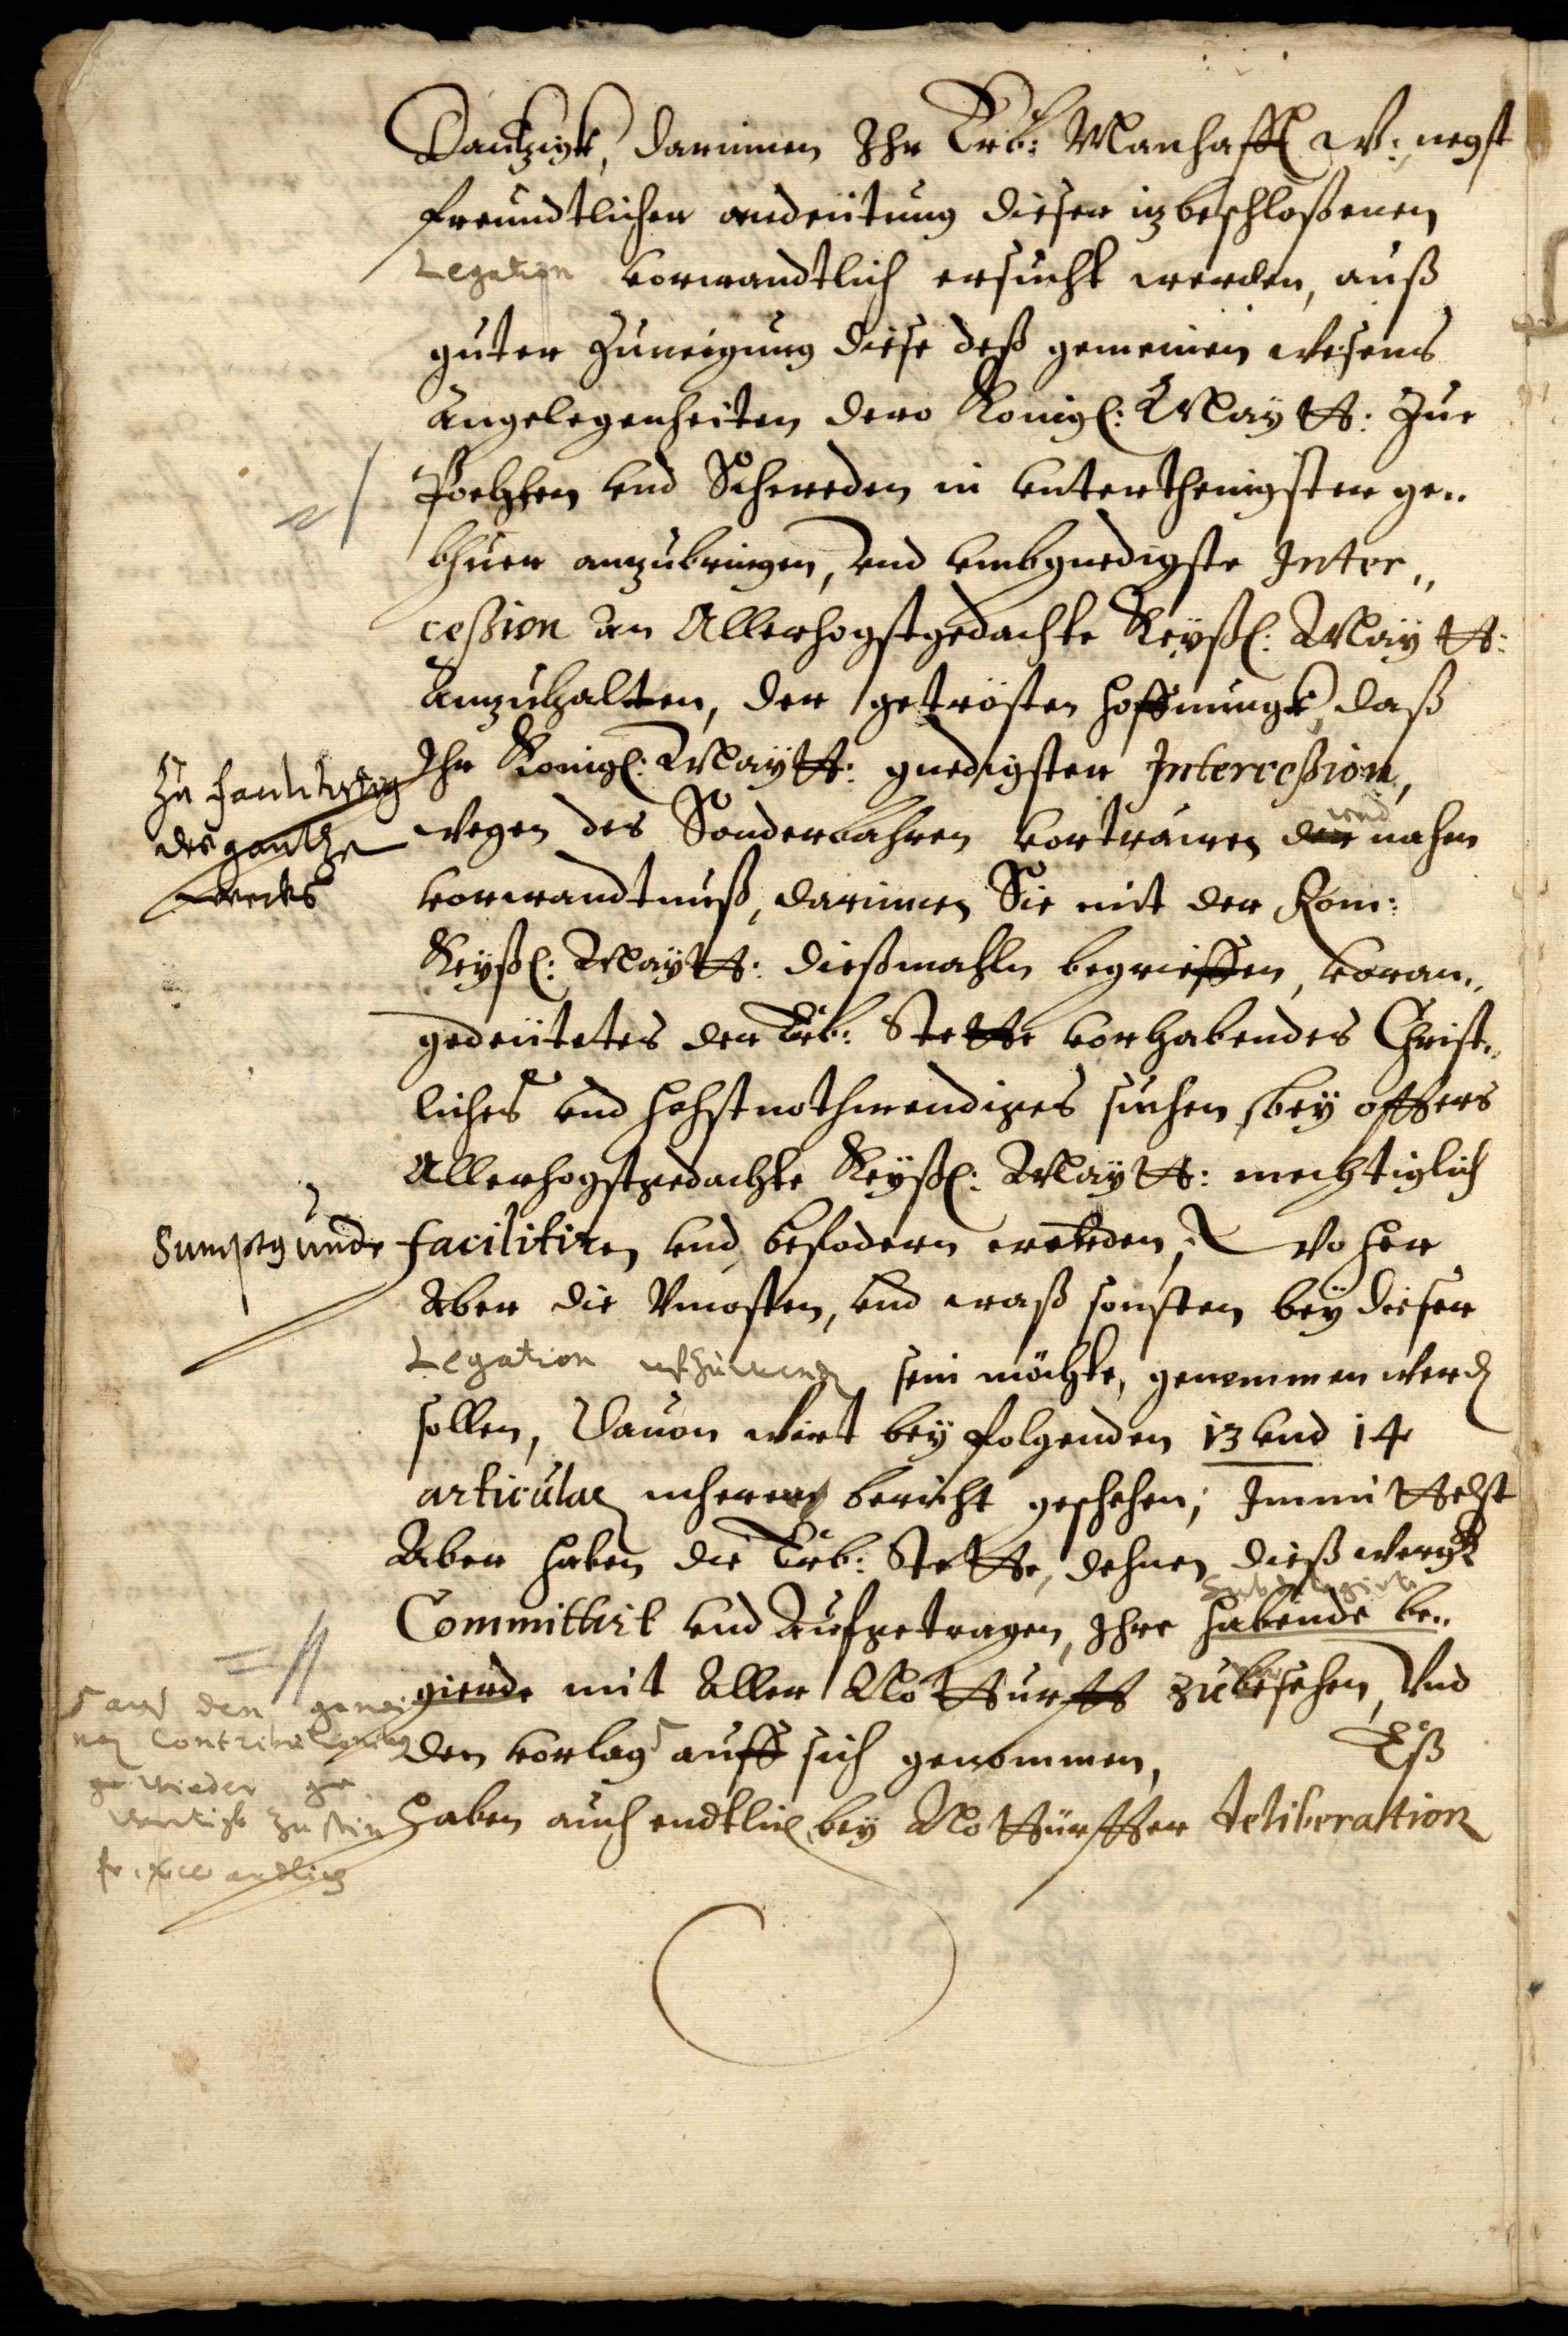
Zu hantirung
des gantze
wercks
sumsstg vnde
auf den gemei¬
nen Contributionibq
ge wieder ge¬
wertigk zu sti¬
fe, Sice endlich
Dantzigk, darinnen ihr Erb: Manhafften W: negst
freundtlicher andeütung dieser itz beschloßenen
Legation vorwandtlich ersucht werden, auß
guter Zuneigung diese deß gemeinen wesens
angelegenheiten dero Konigl: Maijtt: zue
Poehlen vnd Schweden in vnterthenigster ge¬
bhuer anzubringen, vnd vmbgnedigste Inter¬
ceßion an Allerhogstgedachte Keyßl: Maijtt:
anzuhalten, der getrösten Hoffnungk daß
Ihr Konigl: Maijtt: gnedigster Interceßion,
wegen des Sonderbahren vortrawen der und nahm
vorwandtnuß, darinnen Sie mit der Rom:
Keijßl: Maijtt: dießmahln begrieffen, voran¬
gedeütetes der Erb: Stette vorhabendes Christ¬
liches vnd Hohstnothwendiges suchen beij offters
Allerhogstgedachte Keijßl: Maijtt: mechtiglich
facilitiren vnd befodern werden, Woher
aber die Vncosten, vnd waß sonsten beij dieser
Legation ufzuwenden sein möchte, genommen werden
sollen, Davon wirt beij folgenden 13 vnd 14
articulae mherer bericht geschehen, Immittelst
aber haben die Erb: Stette, dehnen dieß wergk
Committirt vnd aufgetragen, Ihre habende Subdelegirte be¬
gierde mit aller Notturfft zuversehen, Vnd
den vorlag auff sich genommen, Eß
haben auch endtlich beij Nottürffter deliberation
